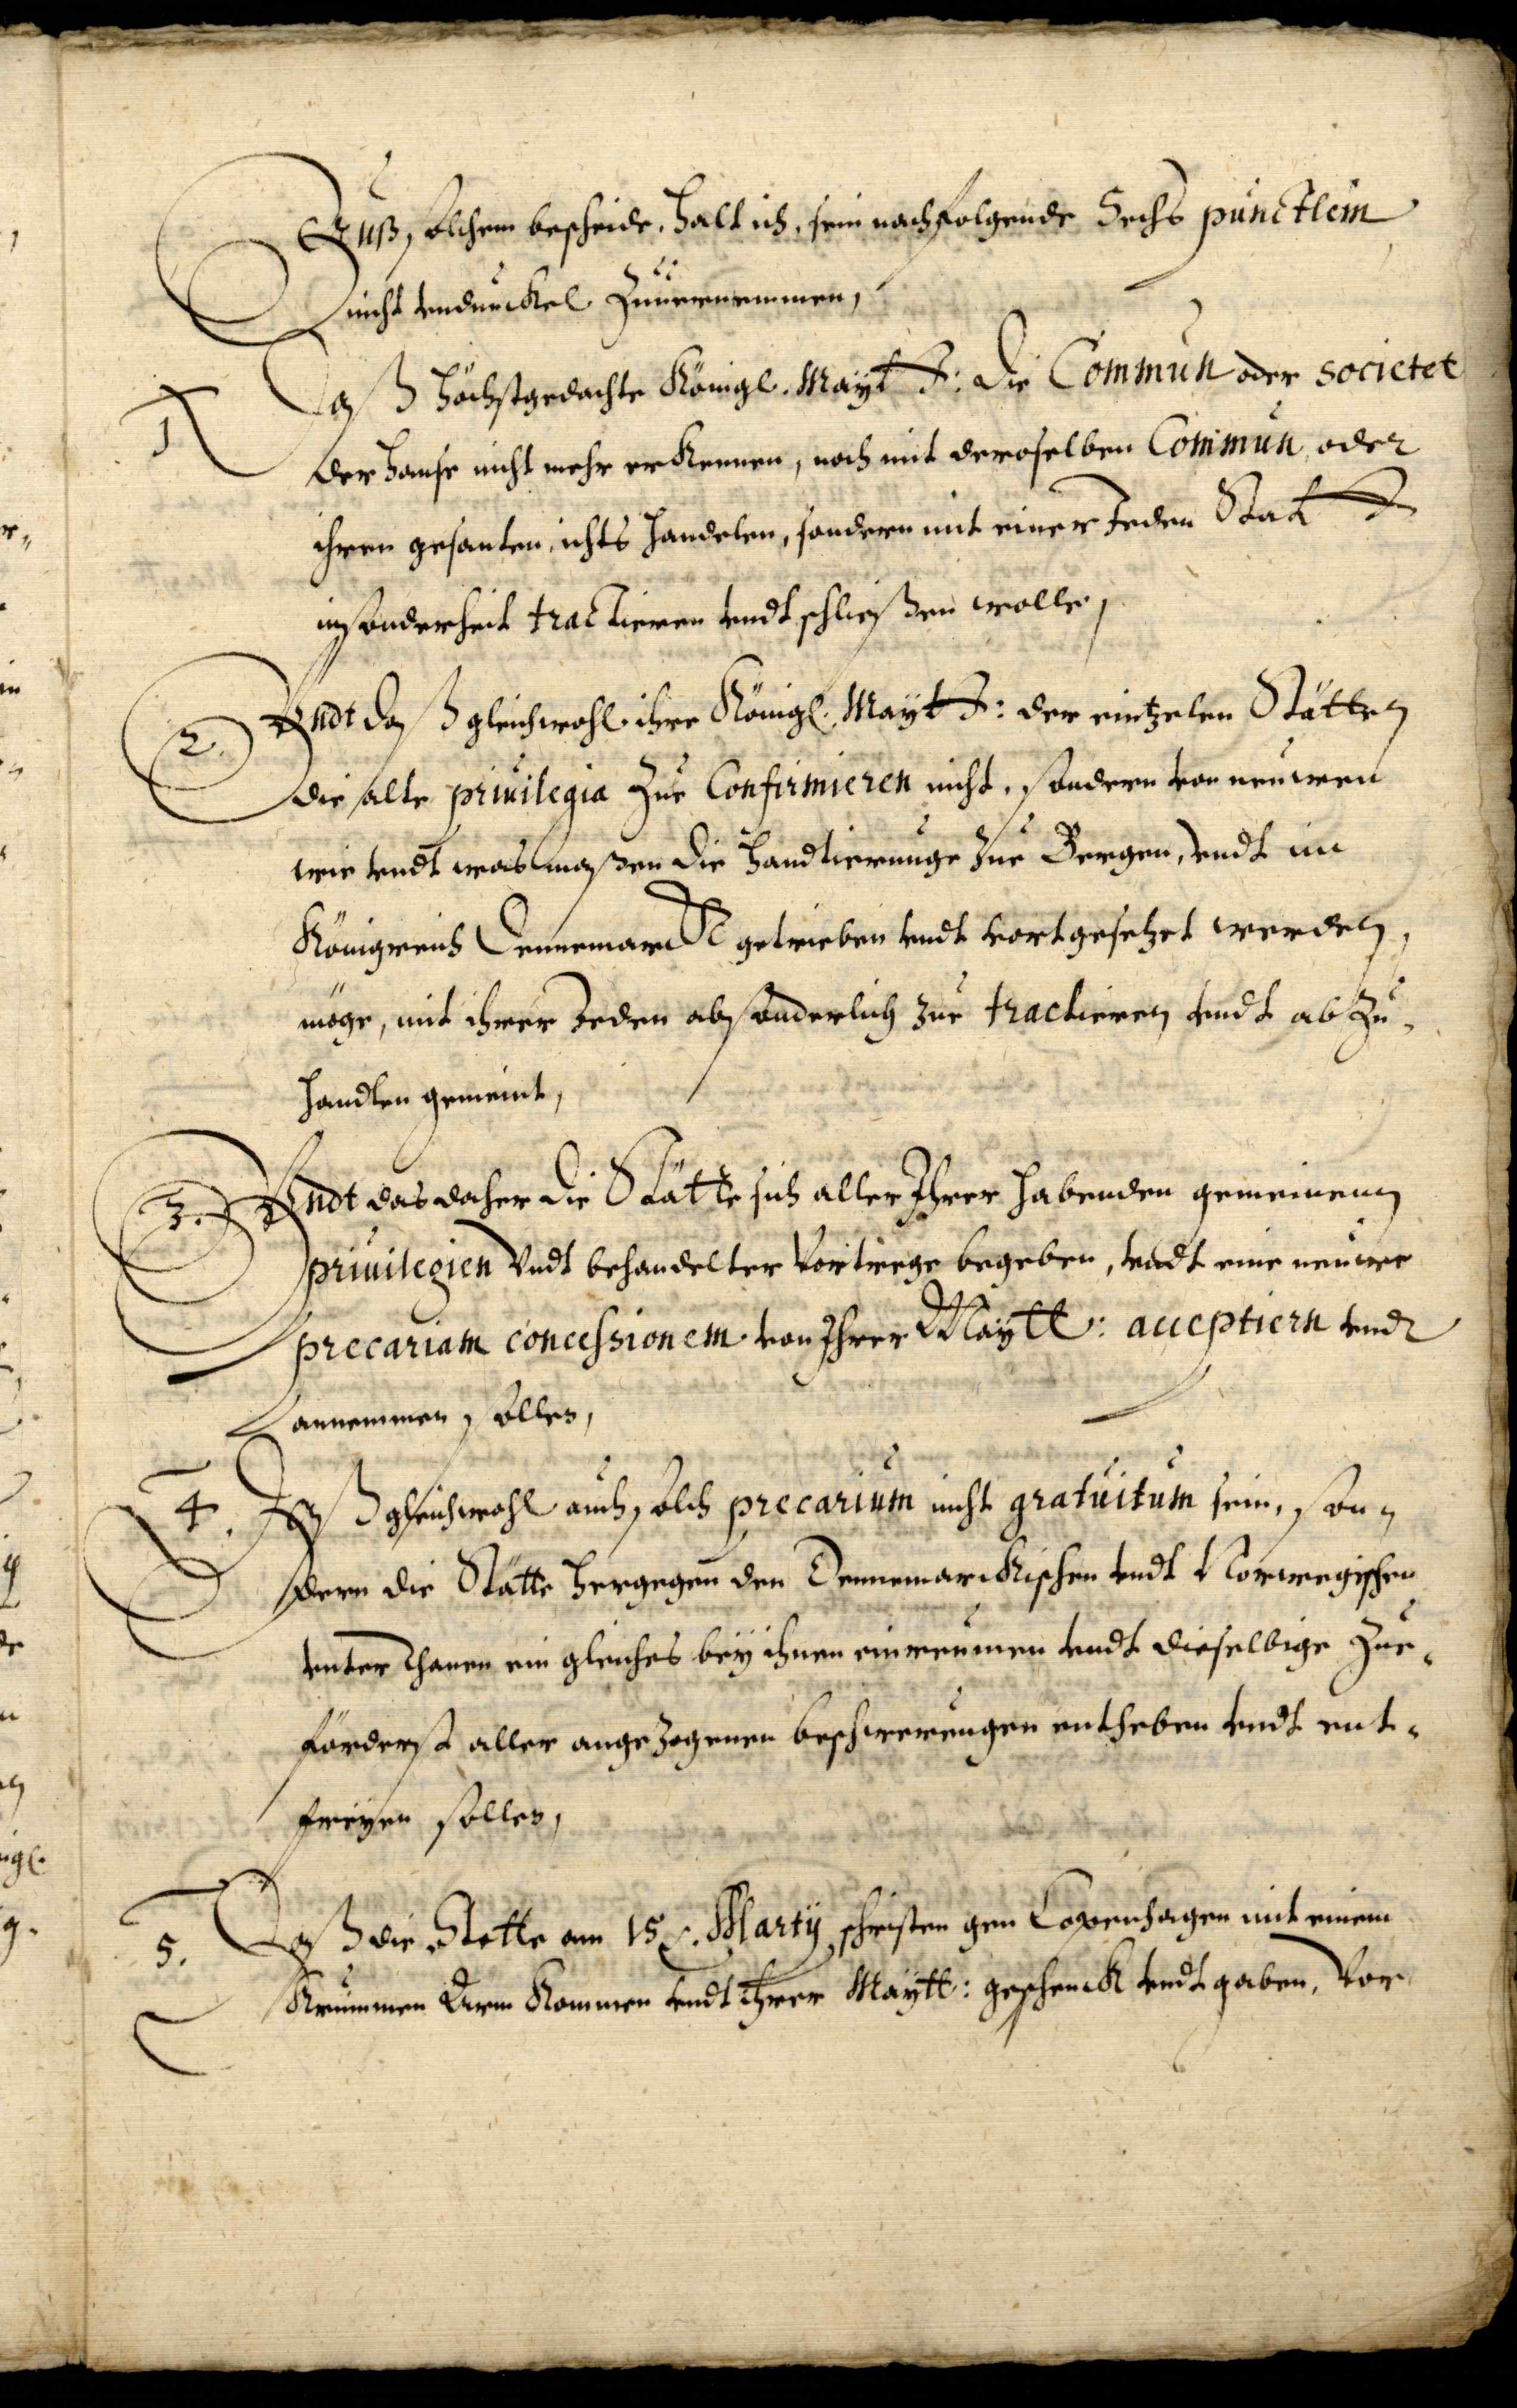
Auß solchem bescheide, halt ich, sein nachfolgende Sechs punctlein
nicht vndunckel zuuernemmen,
Daß höchstgedachte Königl. Maijtt: Die Commun oder societet
der Hanse nicht mehr erkennen, noch mit deroselben Commun oder
ihren gesanten, ichts handelen, sondern mit einer jeden Statt
insonderheit tractieren vndt schließen wolle,
Vndt daß gleichwohl ihre Königl. Maijtt: der eintzelen Stätten
die alte priuilegia zue Confirmieren nicht, sondern vor neuwen
wie vndt was maßen die Handtierunge zue Bergen, vndt im
Königreich Dennemarck getrieben vndt vortgesetzet werden,
möge, mit ihrer jeden absonderlich zue tractieren vndt abzu¬
handlen gemeint,
Vndt das daher die Stätte sich aller Ihrer habenden gemeinenn
priuilegien Vndt behandelter Vortrege begeben, vndt eine neuwe
precariam concessionem von Ihrer Maijtt: acceptiern vndt
annemmen sollen,
Daß gleichwohl auch solch precarium nicht gratuitum sein, son¬
dern die Stätte Hergegen den Dennemarckischen vndt Norwegischen
vnter thanen ein gleiches beij ihnen einreumen vndt dieselbige zue¬
förderst aller angezogenen beschwerungen entheben vndt ent¬
freijen sollen,
Daß die Stette am 15t. Martij schristen gen Cogenhagen mit einem
Krummen Arm Kommen vndt ihrer Maijtt: geschenck vndt gaben, Vor
1
2.
3.
4.
5.
